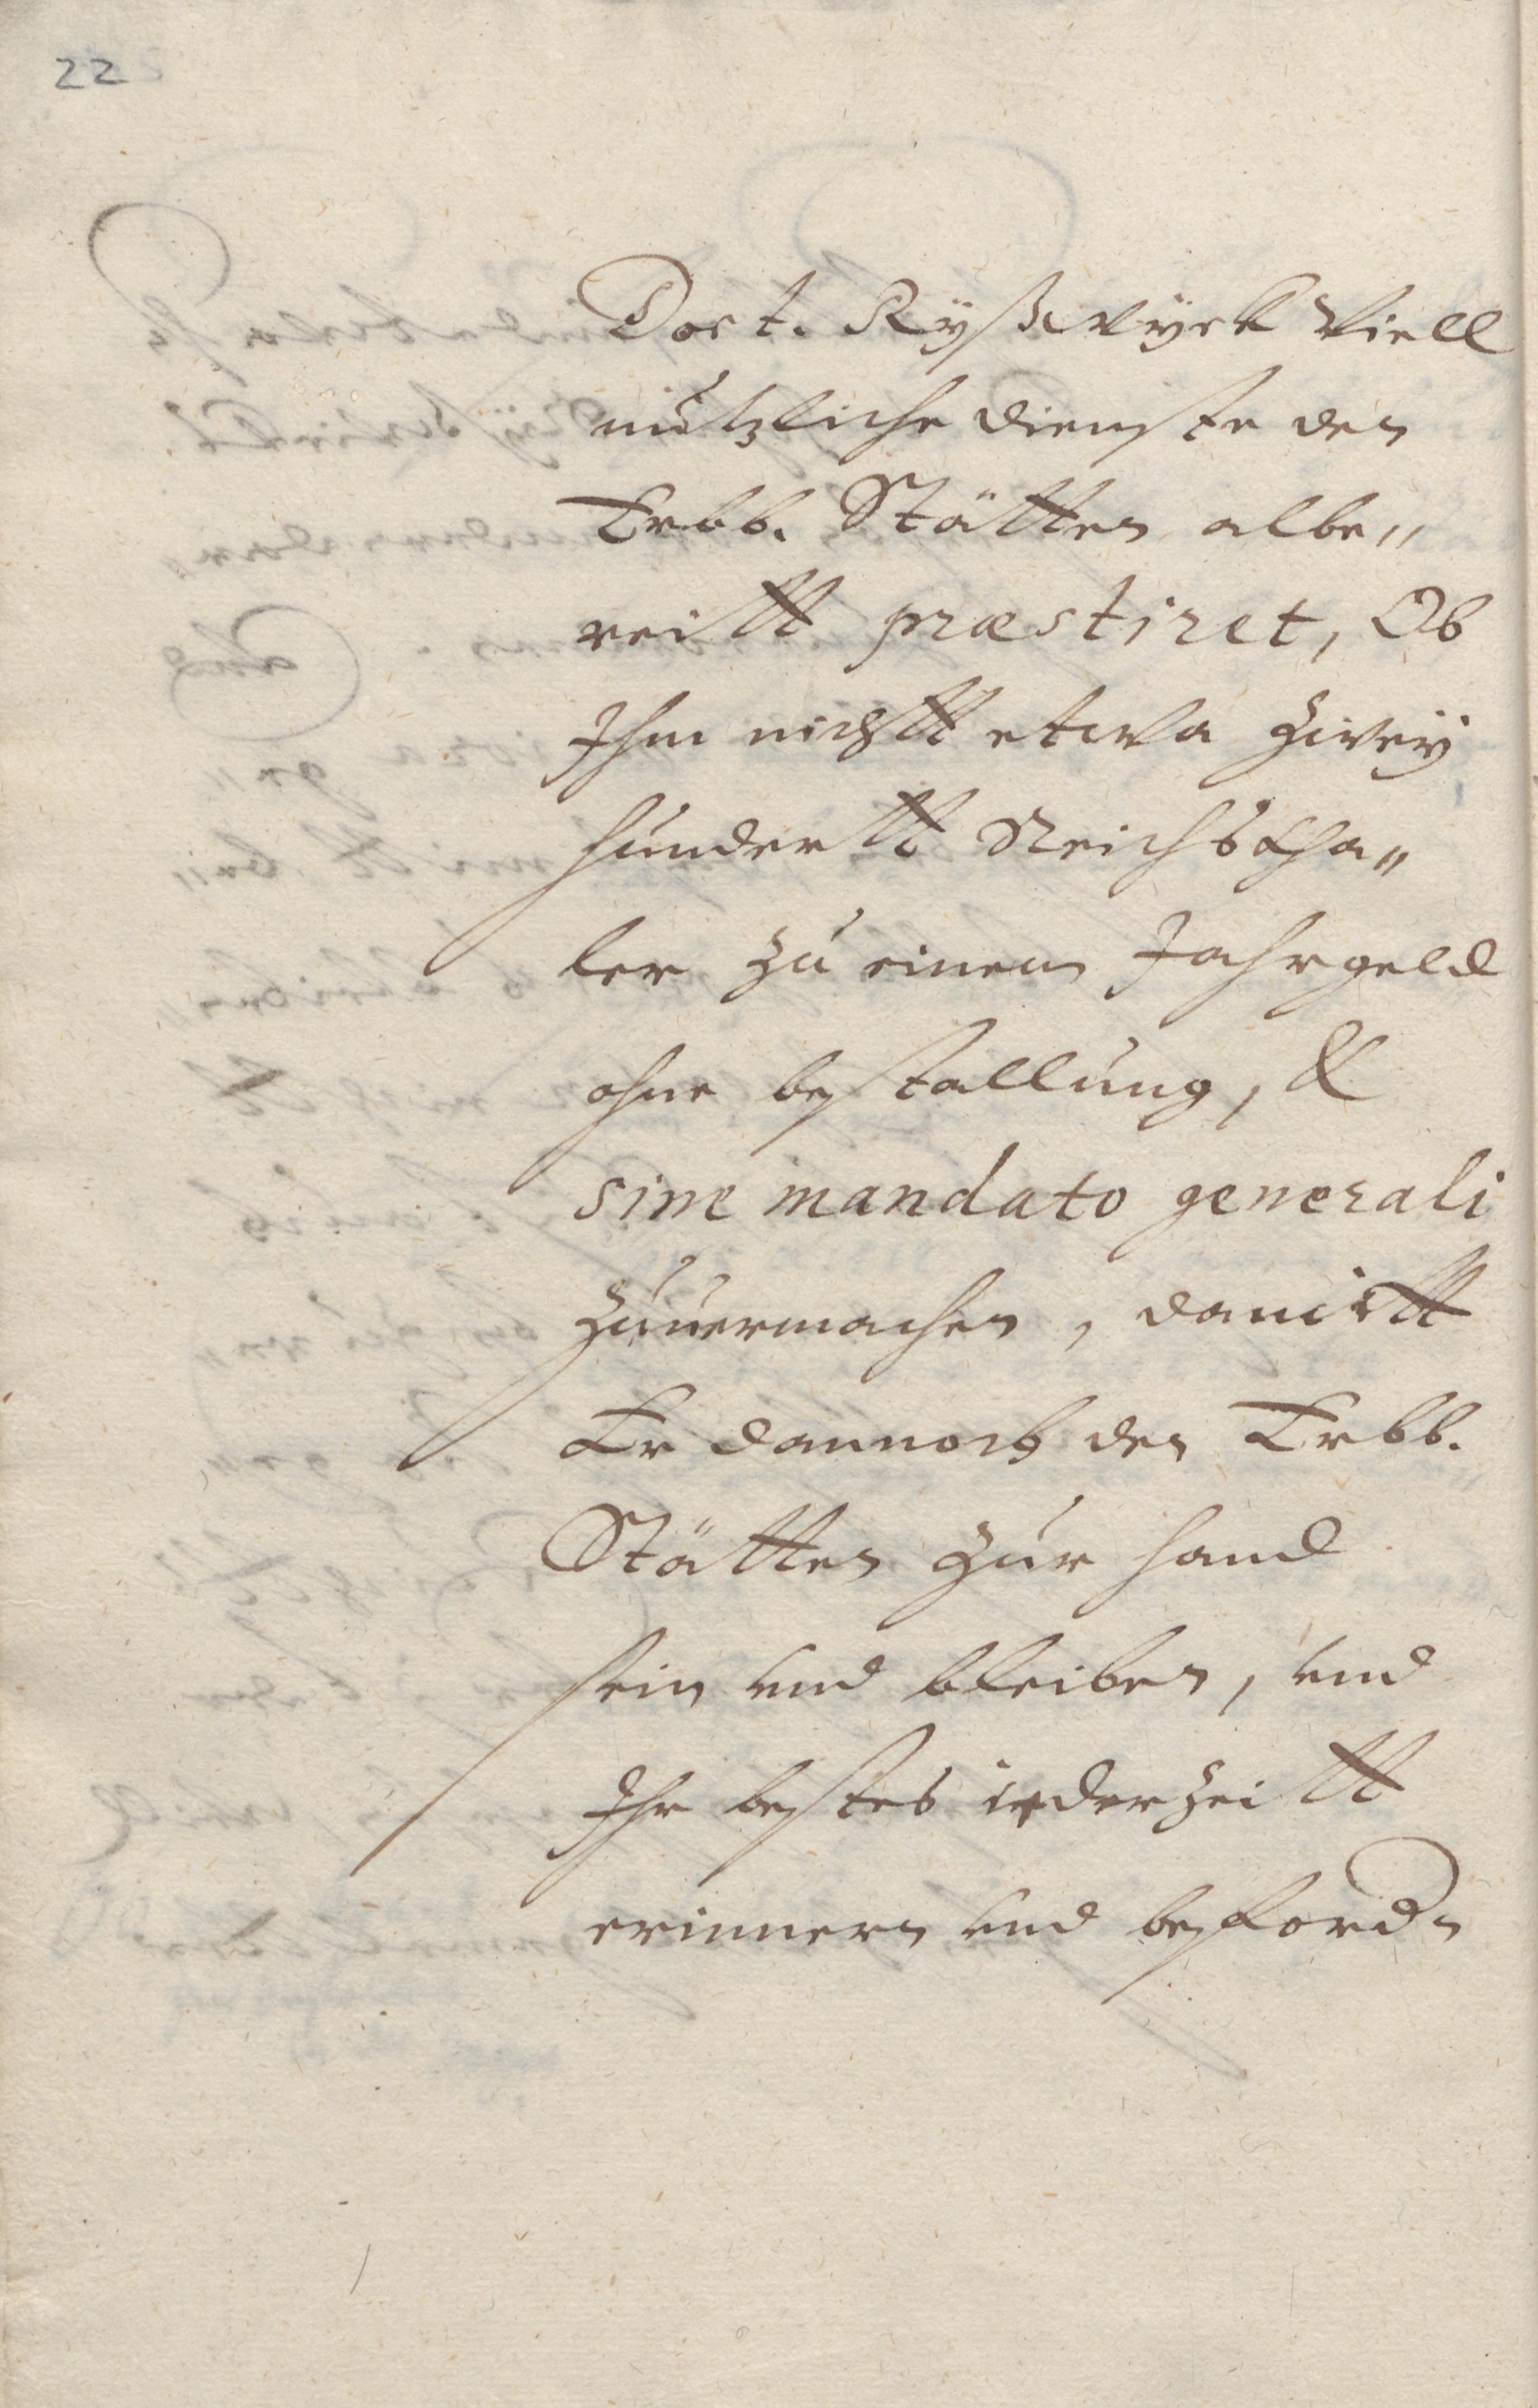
Doct. Rijßwick Viell
nutzliche dienste den
Erbb. Stätten albe¬
reitt præstiret, Ob
Ihm nichtt etwa zweij
hundertt Reichstha¬
ler zu einem Iahrgeld
ohne bestallung, &
sine mandato generali
zuuermachen, darmitt
Er dannoch den Erbb.
Stätten zur hand
sein vnd bleiben, vnd
Ihr bestes iederzeitt
erinnern vnd beforder¬
